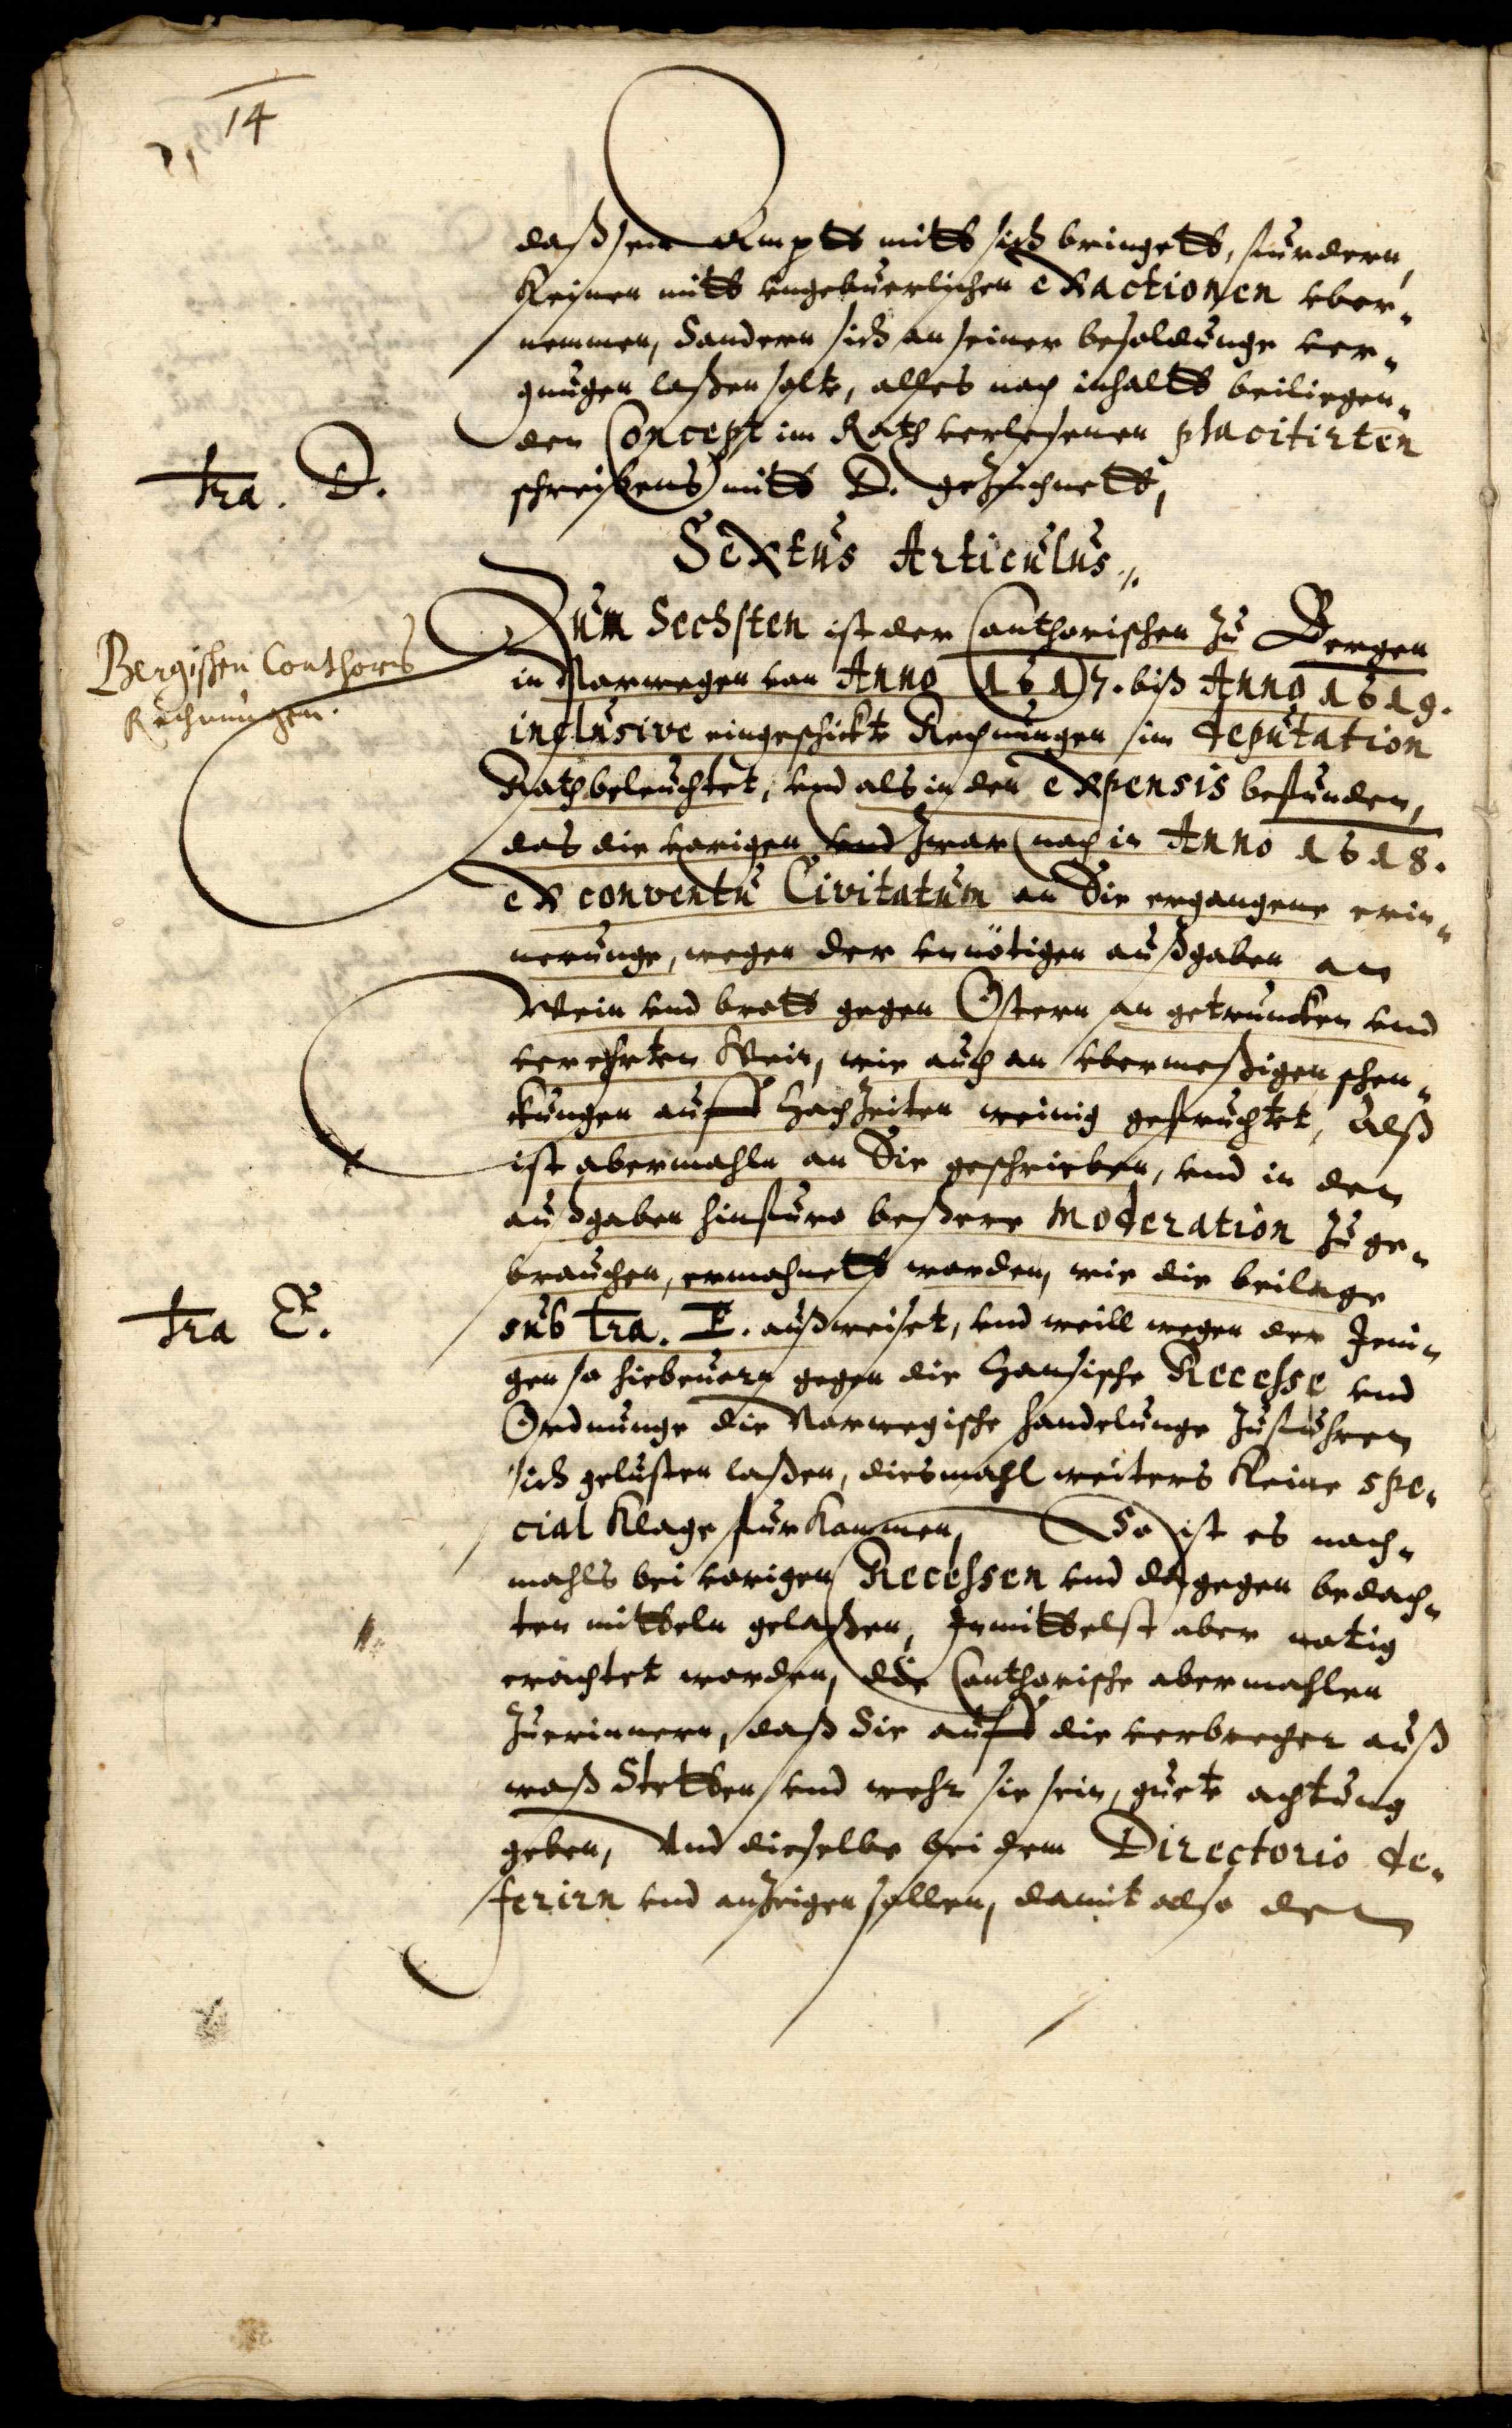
14
tra. D.
Bergischen Conthors
Rechnungen.
tra E.
daß sein Amptt mitt sich bringett, sundern,
keinen mitt vngebuerlichen exactionen vber¬
nemmen, Sondern sich an seiner besoldunge ver¬
gnugen laßen solte, alles nach inhaltt beiliegen¬
den Concept im Rath verlesenen placitirten
schreibens mitt D. geZeichnett,
Sextus Articulus .,.
Zum Sechsten ist der Contorischen Zu Bergen
in Norwegen von Anno 1617. biß Anno 1619.
inclusive eingeschickte Rechnungen im deputation
Rath beleuchtet, vnd als in den expensis befunden,
das die vorigen vnd Zwar noch in Anno 1618.
ex conventu Civitatum an Sie ergangene erin¬
nerunge, wegen der vnnötigen außgaben an
Wein vnd brott gegen Ostern an getruncken vnd
verehrten Wein, wie auch an vbermeßigen schen¬
ckungen aff HochZeiten weinig gefruchtet, Alß
ist abermahln an Sie geschrieben, vnd in den
außgaben hinfuro beßere moderation zu ge¬
brauchen, ermahnett worden, wie die beilage
sub tra. E. außweiset, vnd weill wegen der Ieni¬
gen so hiebeuorn gegen die Hansische Recesse vnd
Ordnunge die Norwegische handelunge Zu fuhren
sich gelusten laßen, diesmahl weiters keine spe¬
cial Klage furKommen, So ist es noch¬
mahls bei vorigen Recessen vnd dagegen bedach¬
ten mitteln gelaßen, Inmittelst aber notig
erachtet worden, die Conthorische abermahlen
zu erinnern, daß Sie auff die verbrechen auß
waß Stetten vnd wehr sie sein, guete achtung
geben, Vnd dieselbe bei dem Directorio de¬
ferirn vnd anzeigen sollen, damit also den
